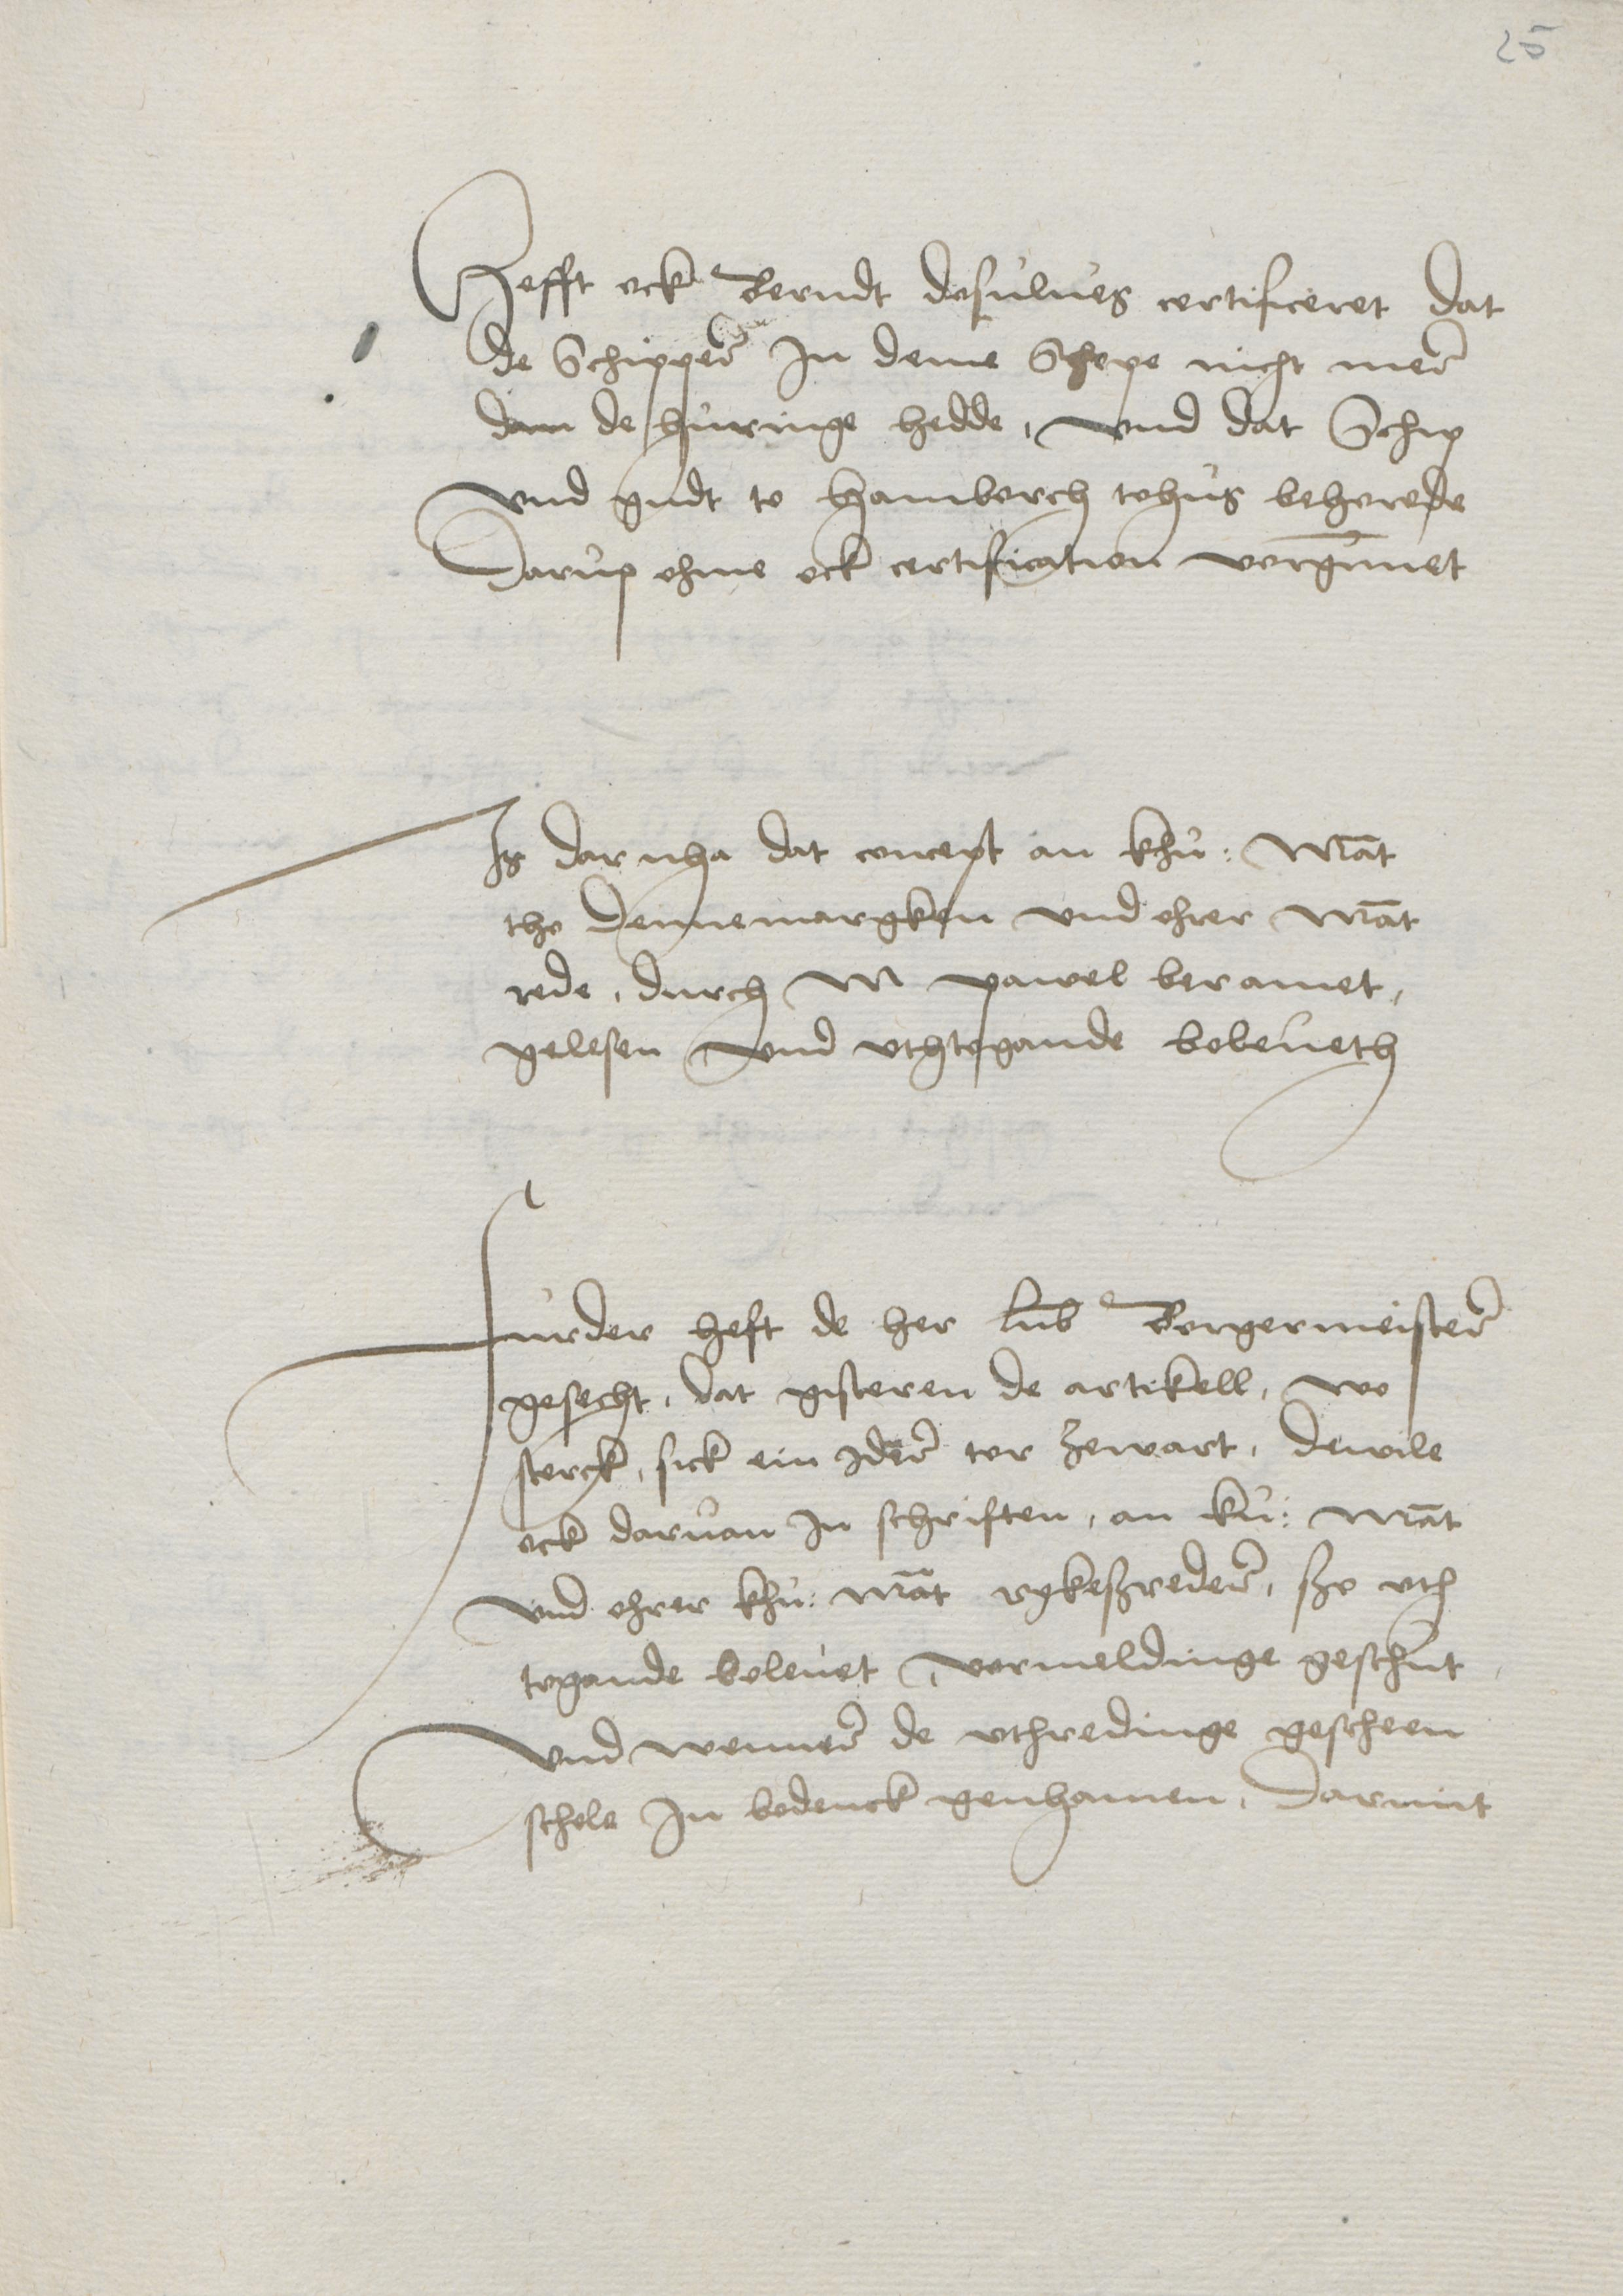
Hefft ock Berndt dosulues certificeret dat
de Schipper Jn deme Schepe nicht mer
denn de huringe hedde, vnd dat Schip
vnd gudt to Hamborch tohus behorede
Darup ohne ock certification vorgunnet
Is dar nha dat concept an Khu: Mat
tho Dennemargken vnd ehrer Mat
rede, durch M pawel beramet,
gelesen vnd vthtogande boleueth
Furder heft de her Lubischer Borgermeister
gesecht, dat gisteren de artikell, wo
sterck, sick ein jeder tor zewart, dewile
ock daruan jn schriften, an Ku: Mat
vnd ehrer Khu: Mat rykeßreder, ßo vth
togende beleuet, vermeldinge geschut
vnd wenner de vthredinge gescheen
schole Jn bedenck genhamen, Darmit
